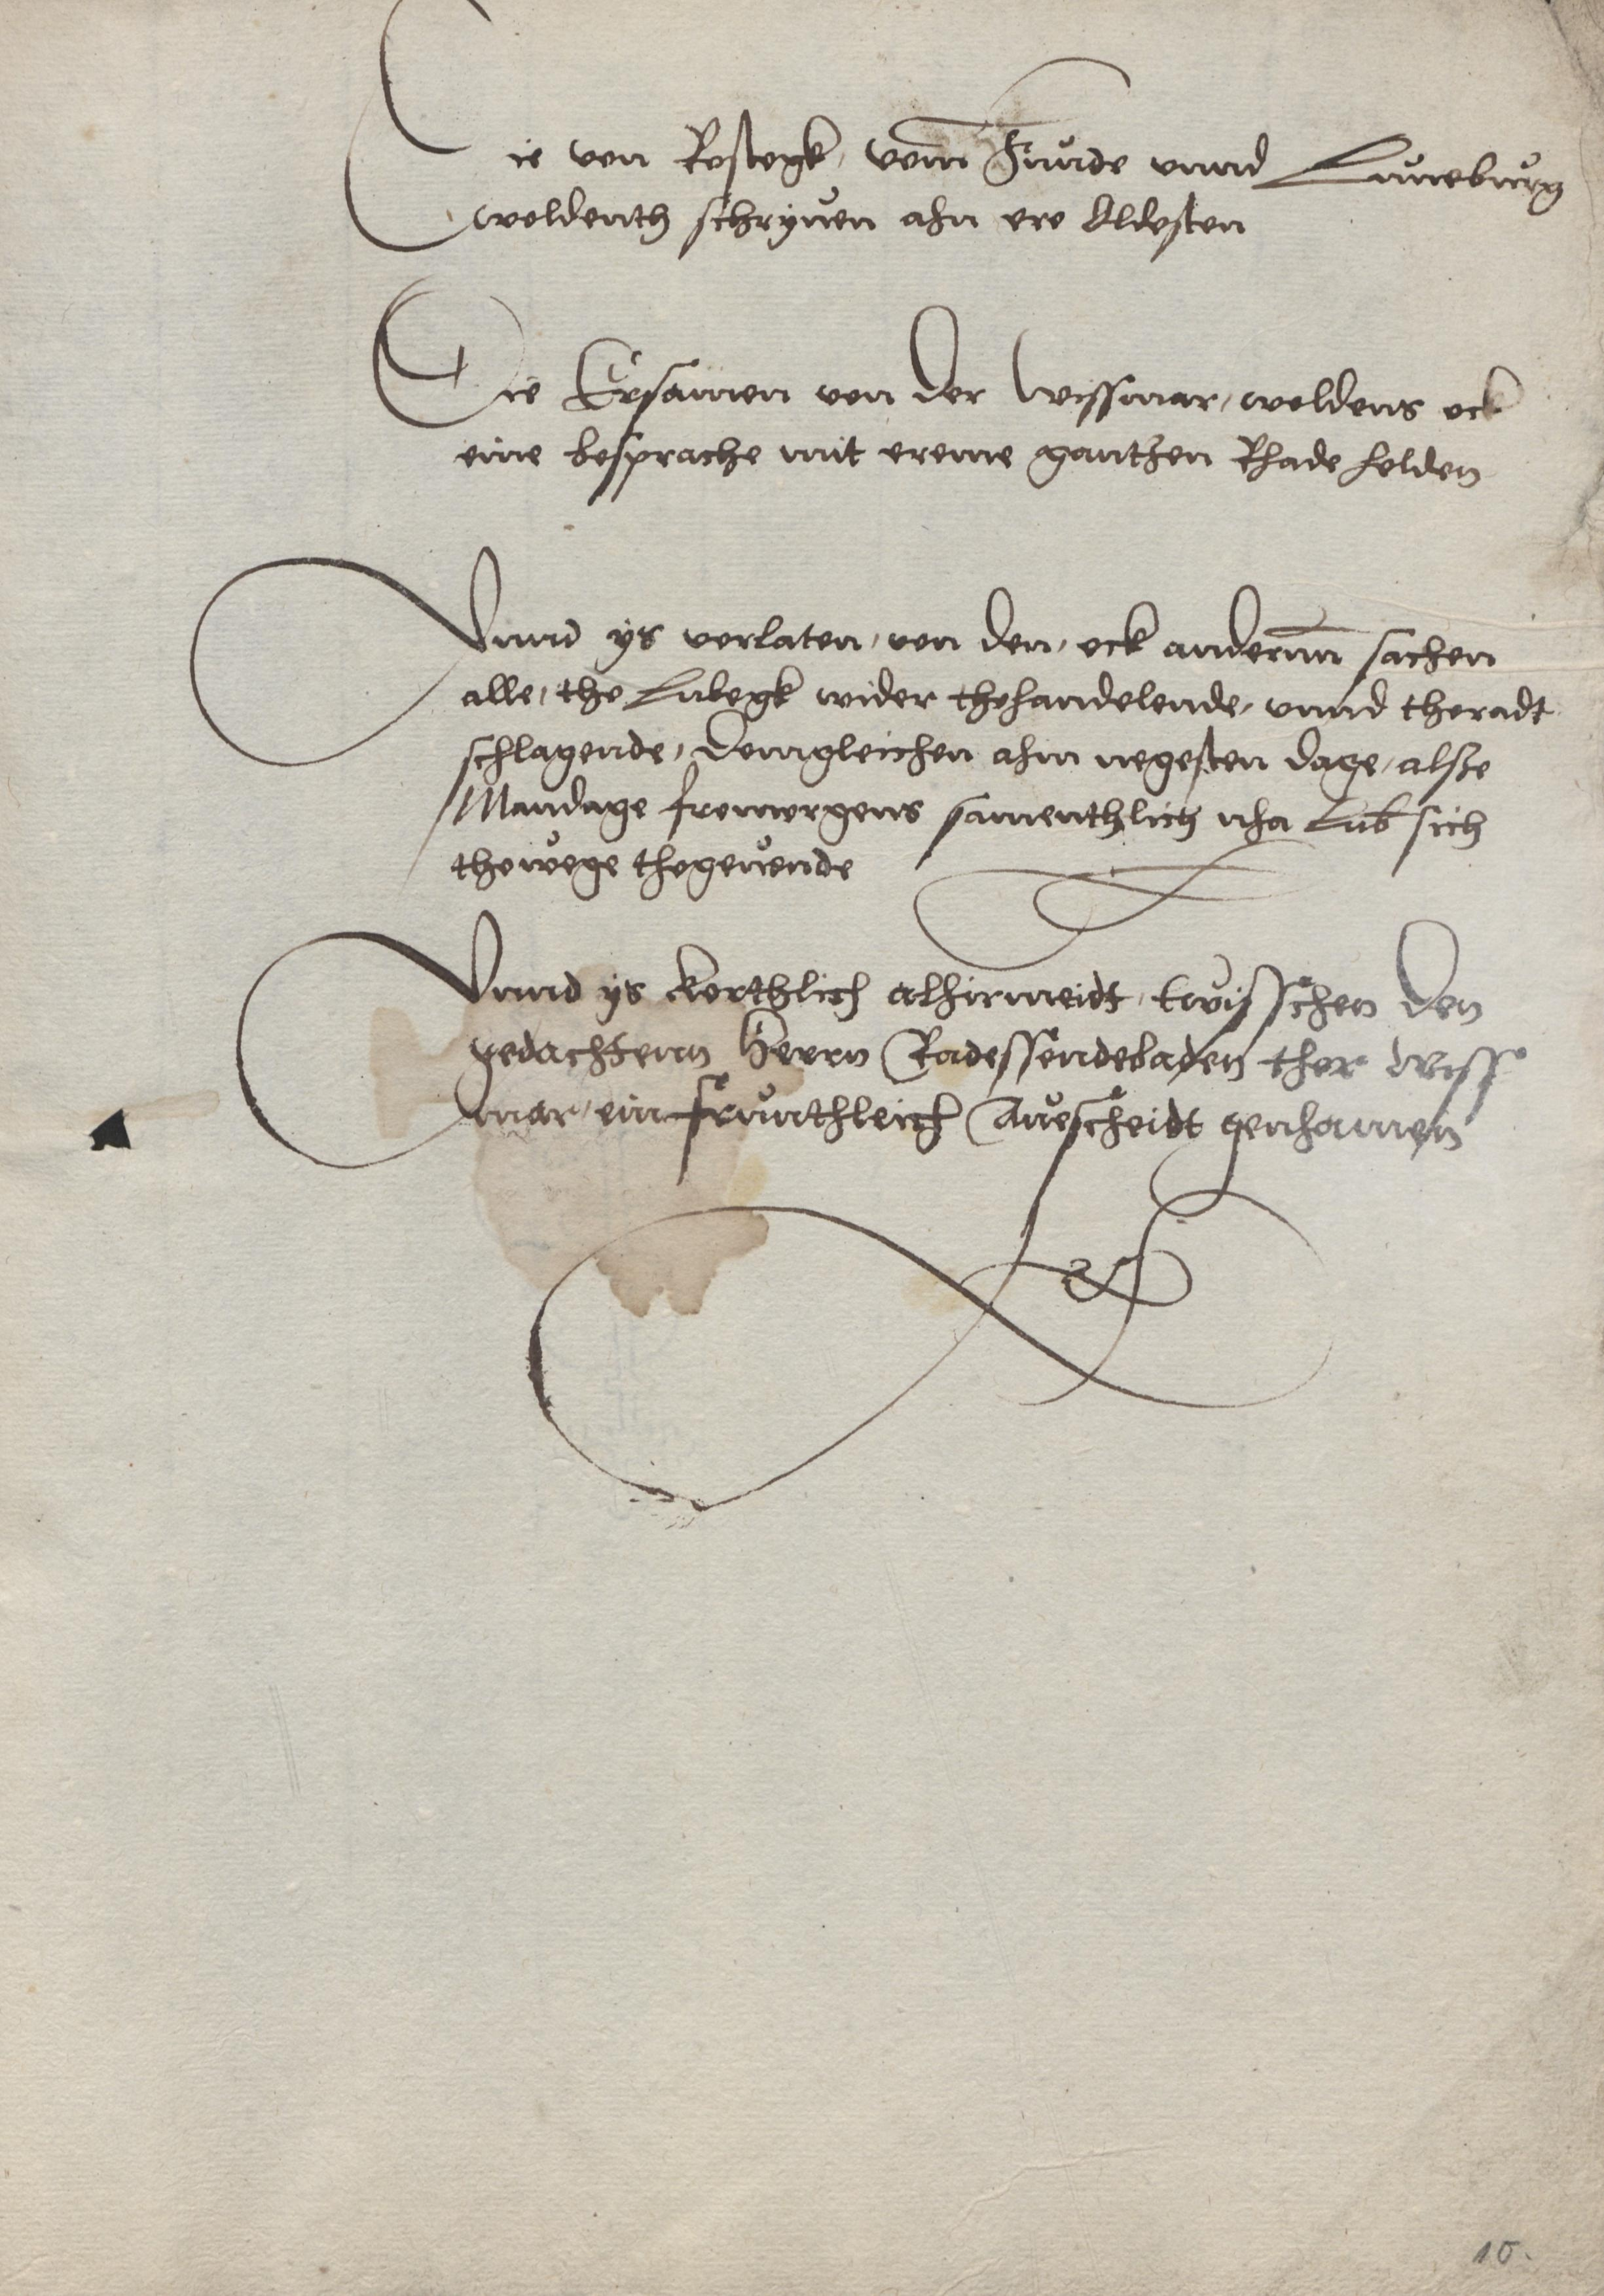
Die von Rostogk, vom Sunde vnnd Luneburg
woldenth schriuen ahn ere Oldesten
Die Ersamen von der Wissmar, woldens ock
eine besprache mit ereme gantzen Rhade holden
Vnnd ys vorlaten, von den, ock andernn sachen
alle, tho Lubegk wider thohandelende, vnnd thoradt
schlagende, demgleichen ahm negesten dage, alße
Mandage fromorgens samenthlich nha Lubegk sich
tho wege thogeuende
Vnnd ys korthlich alhirmeidt, twisschen den
gedachtenn Herrn Radessendebaden thor Wiss
mar, einfrundtleich Auescheidt genhamen
